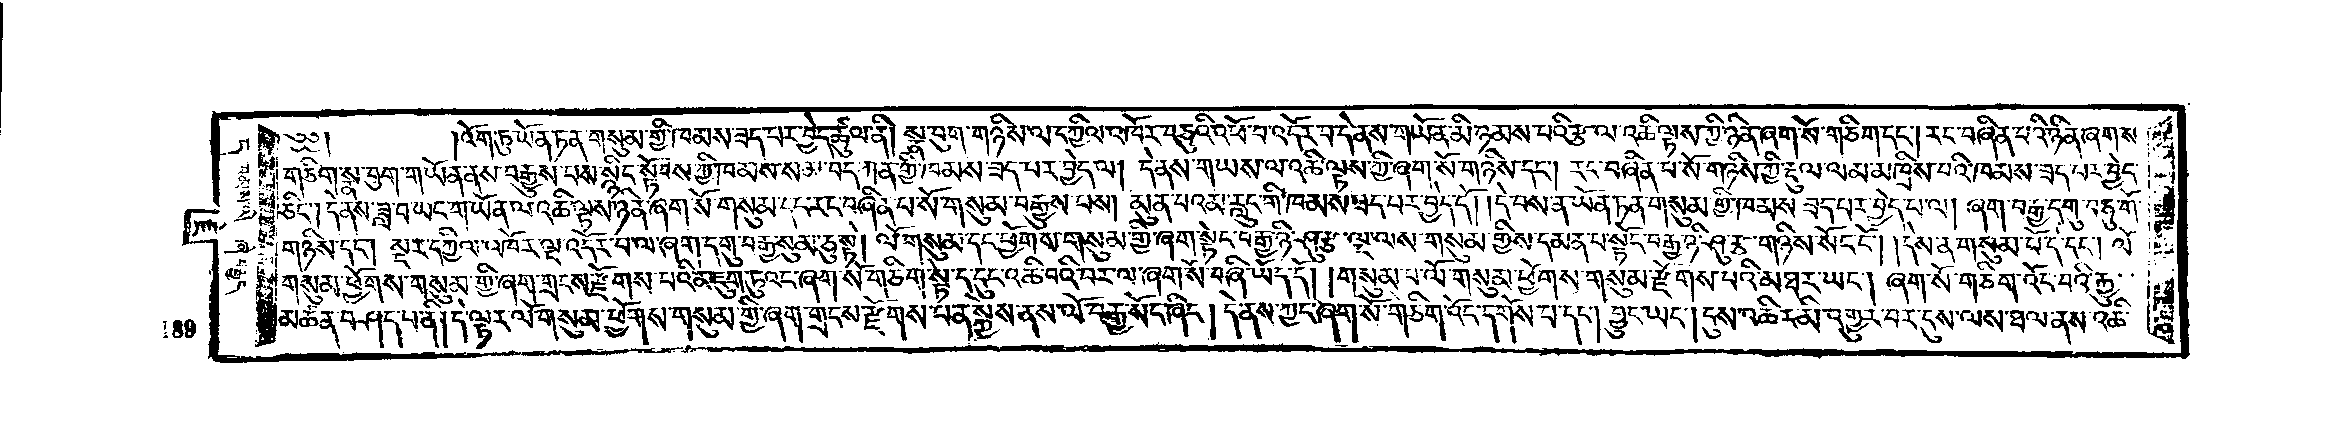༄༅། །འོག་ཏུ་ཡོན་ཏན་གསུམ་གྱི་ཁམས་ཟད་པར་བྱེད་ཚུལ་ནི། སྣ་བུག་གཉིས་ལ་དཀྱིལ་འཁོར་བཅུའི་འཕོ་བ་འདོར་བ་དེ་ནས་གཡོན་མི་ཉམས་པའི་རྩ་ལ་འཆི་ལྟས་ཀྱི་ཉིན་ཞག་སོ་གཅིག་དང་། རང་བཞིན་པའི་ཉིན་ཞགས་
གཅིག་སྣ་བུག་གཡོན་ནས་བརྒྱུས་པས་སྙིང་སྟོབས་ཀྱི་ཁམས་སམ་བད་ཀན་གྱི་ཁམས་ཟད་པར་བྱེད་ལ། དེ་ནས་གཡས་ལ་འཆི་ལྟས་ཀྱི་ཞག་སོ་གཉིས་དང་། རང་བཞིན་པ་སོ་གཉིས་ཀྱི་རྡུལ་ལམ་མཁྲིས་པའི་ཁམས་ཟད་པར་བྱེད་
ཅིང་། དེ་ནས་ཟླ་བ་ཡང་གཡོན་ལ་འཆི་ལྟས་ཉིན་ཞག་སོ་གསུམ་དང་རང་བཞིན་པ་སོ་གསུམ་བརྒྱུས་པས། མུན་པའམ་རླུང་གི་ཁམས་ཟད་པར་བྱེད་དོ། །དེ་བས་ན་ཡོན་ཏན་གསུམ་གྱི་ཁམས་ཟད་པར་བྱེད་པ་ལ། ཞག་བརྒྱ་དགུ་བཅུ་གོ་གཉིས་དང་། སྔར་དཀྱིལ་འཁོར་ལྔ་འདོར་བ་ལ་ཞག་དགུ་བརྒྱ་སུམ་ཅུ་སྟེ། ལོ་གསུམ་དང་ཕྱོགས་གསུམ་གྱི་ཞག་སྟེང་བརྒྱ་ཉི་ཤུ་རྩ་ལྔ་ལས་གསུམ་གྱིས་དམན་པ་སྟོང་བརྒྱ་ཉི་ཤུ་རྩ་གཉིས་སོང་ངོ། །དེས་ན་གསུམ་པོ་དེ་དང་། ལོ་
གསུམ་ཕྱོགས་གསུམ་གྱི་ཞག་གྲངས་རྫོགས་པའི་མཇུག་ཏུའང་ཞག་སོ་གཅིག་སྟེ་ད་དུང་འཆི་བའི་བར་ལ་ཞག་སོ་བཞི་ཡོད་དོ། །གསུམ་པ་ལོ་གསུམ་ཕྱོགས་གསུམ་རྫོགས་པའི་མཐར་ཡང་། ཞག་སོ་གཅིག་འོང་བའི་རྒྱུ་
མཚན་བཤད་པ་ནི། དེ་ལྟར་ལོ་གསུམ་ཕྱོགས་གསུམ་གྱི་ཞག་གྲངས་རྫོགས་པ་ན་སྐྱེས་ནས་ལོ་བརྒྱ་སོང་ཞིང་། དེ་ནས་ཀྱང་ཞག་སོ་གཅིག་འོང་དགོས་པ་དང་། བྱུང་ཡང་། དུས་འཆིར་མི་འགྱུར་བར་དུས་ལས་ཐལ་ནས་འཆི་